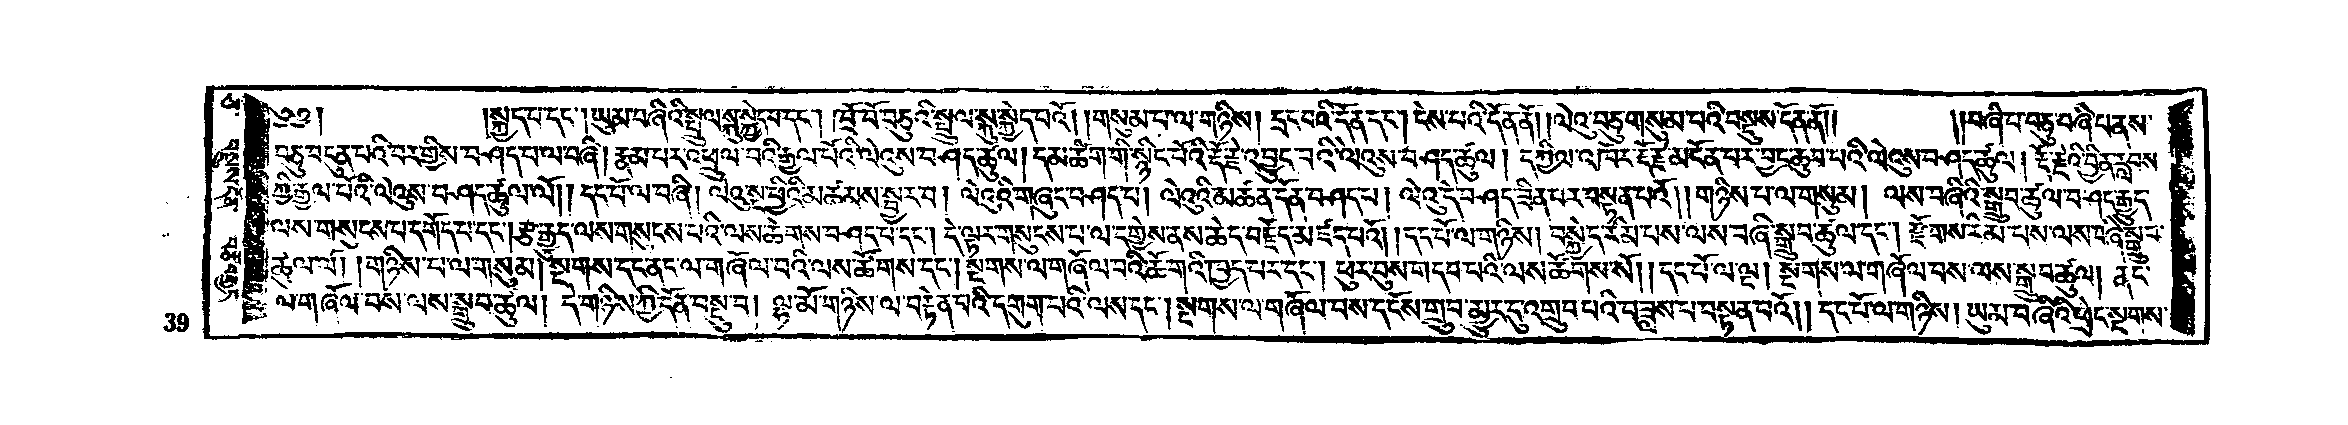༄༅། །སྐྱེད་པ་དང་། ཡུམ་བཞིའི་སྤྲུལ་སྐུ་སྐྱེད་པ་དང་། ཁྲོ་བོ་བཅུའི་སྤྲུལ་སྐུ་སྐྱེད་པའོ། །གསུམ་པ་ལ་གཉིས། དྲང་བའི་དོན་དང་། ངེས་པའི་དོན་ནོ། །ལེའུ་བཅུ་གསུམ་པའི་བསྡུས་དོན་ནོ།། །།བཞི་པ་བཅུ་བཞི་པ་ནས་
བཅུ་བདུན་པའི་བར་གྱིས་བཤད་པ་ལ་བཞི། རྣམ་པར་འཕྲུལ་པའི་རྒྱལ་པོའི་ལེའུས་བཤད་ཚུལ། དམ་ཚིག་གི་སྙིང་པོའི་རྡོ་རྗེ་འབྱུང་བའི་ལེའུས་བཤད་ཚུལ། དཀྱིལ་འཁོར་རྡོ་རྗེ་མངོན་པར་བྱང་ཆུབ་པའི་ལེའུས་བཤད་ཚུལ། རྡོ་རྗེའི་བྱིན་རླབས་
ཀྱི་རྒྱལ་པོའི་ལེའུས་བཤད་ཚུལ་ལོ། །དང་པོ་ལ་བཞི། ལེའུ་སྔ་ཕྱིའི་མཚམས་སྦྱར་བ། ལེའུའི་གཞུང་བཤད་པ། ལེའུའི་མཚན་དོན་བཤད་པ། ལེའུ་དེ་བཤད་ཟིན་པར་བསྟན་པའོ། །གཉིས་པ་ལ་གསུམ། ལས་བཞིའི་སྒྲུབ་ཚུལ་བཤད་རྒྱུད་
ལས་གསུངས་པ་དགོད་པ་དང་། རྩ་རྒྱུད་ལས་གསུངས་པའི་ལས་ཆོ་གས་བཤད་པ་དང་། དེ་ལྟར་གསུངས་པ་ལ་དགྱེས་ནས་ཆེད་བརྗོད་མཛད་པའོ། །དང་པོ་ལ་གཉིས། བསྐྱེད་རིམ་པས་ལས་བཞི་སྒྲུབ་ཚུལ་དང་། རྫོགས་རིམ་པས་ལས་བཞི་སྒྲུབ་
ཚུལ་ལོ། །གཉིས་པ་ལ་གསུམ། སྔགས་དང་ནང་ལ་གཞོལ་བའི་ལས་ཚོགས་དང་། སྔགས་ལ་གཞོལ་བའི་ཆོ་གའི་ཁྱད་པར་དང་། ཕུར་བུས་གདབ་པའི་ལས་ཚོགས་སོ། །དང་པོ་ལ་ལྔ། སྔགས་ལ་གཞེལ་བས་ལས་སྒྲུབ་ཚུལ། ནང་
ལ་གཞེལ་བས་ལས་སྒྲུབ་ཚུལ། དེ་གཉིས་ཀྱི་དོན་བསྡུ་བ། ལྷ་མོ་གཉིས་ལ་བརྟེན་པའི་དགུག་པའི་ལས་དང་། སྔགས་ལ་གཞོལ་བས་དངོས་གྲུབ་མྱུར་དུ་འགྲུབ་པའི་བཟླས་པ་བསྟན་པའོ། །དང་པོ་ལ་གཉིས། ཡུམ་བཞིའི་ཕྲེང་སྔགས་